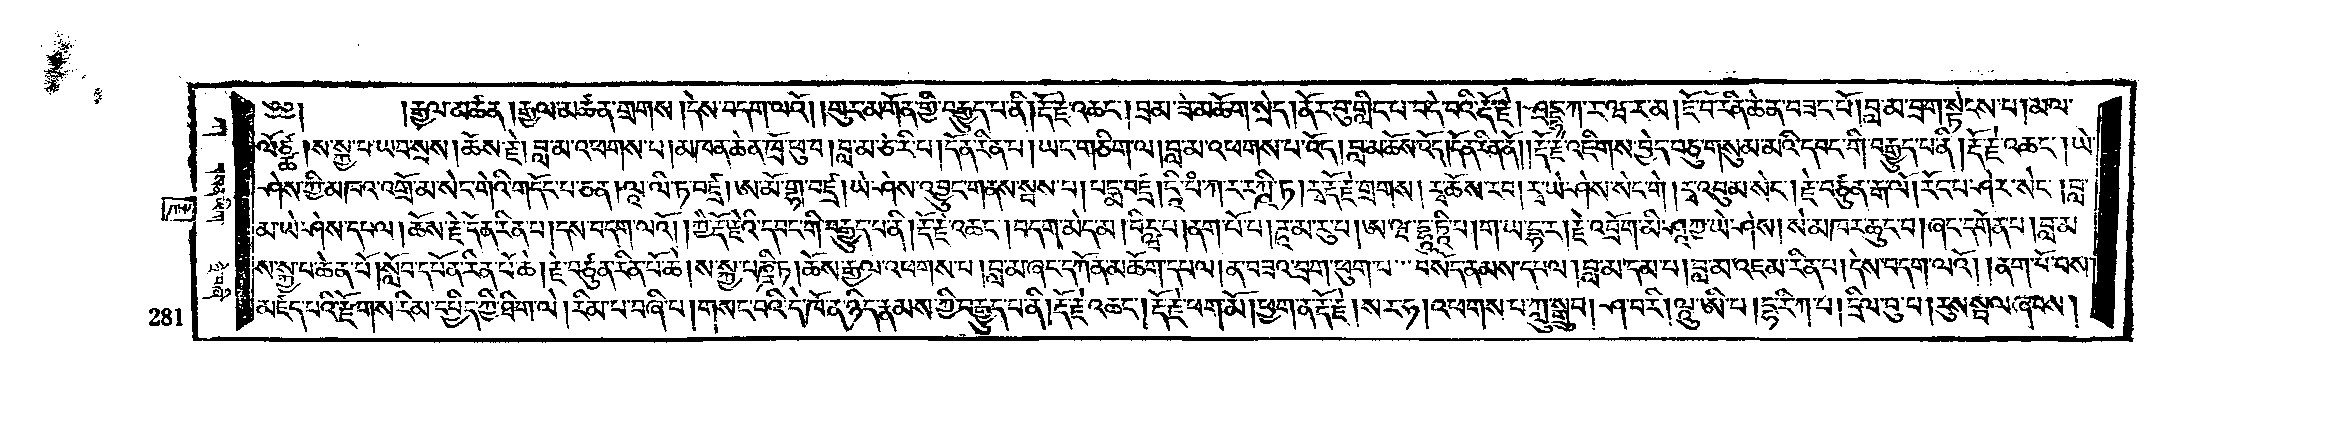༄༅། །རྒྱལ་མཚན། རྒྱལ་མཚན་གྲགས། དེས་བདག་ལའོ། །གུར་མགོན་གྱི་བརྒྱུད་པ་ནི། རྡོ་རྗེ་འཆང་། བྲམ་ཟེ་མཆོག་སྲེད། ནོར་བུ་གླིང་པ་བདེ་བའི་རྡོ་རྗེ། ཤྲདྡྷ་ཀ་ར་ཝ་ར་མ། ཇོ་བོ་རིན་ཆེན་བཟང་པོ། བླ་མ་བྲག་སྟེངས་པ། མལ་
ལོཙྪ་།ས་སྐྱ་པ་ཡབ་སྲས་།ཆོས་རྗེ། བླ་མ་འཕགས་པ། མཁན་ཆེན་ཁྲོ་ཕུ་བ། བླ་མ་ཙེ་རི་པ། དོན་རིན་པ། ཡང་གཅིག་ལ། བླ་མ་འཕགས་པ་འོད། བླ་མ་ཆོས་འོད་།དོན་རིན་ནོ། །རྡོ་རྗེ་འཇིགས་བྱེད་བཅུ་གསུམ་མའི་དབང་གི་བརྒྱུད་པ་ནི་།རྡོ་རྗེ་འཆང་། ཡེ་
ཤེས་ཀྱི་མཁའ་འགྲོ་མ་སེང་གེའི་གདོང་པ་ཅན། ལཱ་ལི་ཏ་བཛྲ། ཨ་མོ་གྷ་བཛྲ། ཡེ་ཤེས་འབྱུང་གནས་སྦས་པ། པདམ་བཛྲ། དཱི་པཾ་ཀ་ར་རཀྵི་ཏ། རྭ་རྡོ་རྗེ་གྲགས། རྭ་ཆོས་རབ། རྭ་ཡེ་ཤེས་སེང་གེ། རྭ་འབུམ་སེང་།རྗེ་བཙུན་རྒ་ལོ། རོང་པ་ཤེར་སེང་།བླ་
མ་ཡེ་ཤེས་དཔལ་།ཆོས་རྗེ་དོན་རིན་པ། དས་བདག་ལའོ། །ཀྱཻ་རྡོ་རྗེའི་དབང་གི་བརྒྱུད་པ་ནི། རྡོ་རྗེ་འཆང་། བདག་མེད་མ། བིརྭ་པ། ནག་པོ་པ། ཌཱ་མ་རུ་པ། ཨ་ཝ་དྷཱུ་ཏཱི་པ། ག་ཡ་དྷ་ར། རྗེ་འབྲོག་མི་ཤཱཀྱ་ཡེ་ཤེས། སེ་མཁར་ཆུང་བ། ཞང་དགོན་པ། བླ་མ་
ས་སྐྱ་པ་ཆེན་པོ། སློབ་དཔོན་རིན་པོ་ཆེ། རྗེ་བཙུན་རིན་པོ་ཆེ། ས་སྐྱ་པཎྜི་ཏ། ཆོས་རྒྱལ་འཕགས་པ། བླ་མ་ཞང་དཀོན་མཆོག་དཔལ། ན་བཟའ་བྲག་ཕུག་པ་བསོད་ནམས་དཔལ། བླ་མ་དམ་པ། བླ་མ་འཇམ་རིན་པ། དེས་བདག་ལའོ། །ནག་པོ་བས་
མཛད་པའི་རྫོགས་རིམ་དཔྱིད་ཀྱི་ཐིག་ལེ། རིམ་པ་བཞི་པ། གསང་བའི་དེ་ཁོ་ན་ཉིད་རྣམས་ཀྱི་བརྒྱུད་པ་ནི། རྡོ་རྗེ་འཆང་། རྡོ་རྗེ་ཕག་མོ། ཕྱག་ན་རྡོ་རྗེ། ས་ར་ཧ། འཕགས་པ་ཀླུ་སྒྲུབ། ཤ་བ་རི། ལཱུ་ཨི་པ། དྷ་རི་ཀ་པ། དྲིལ་བུ་པ། རུས་སྦལ་ཞབས།